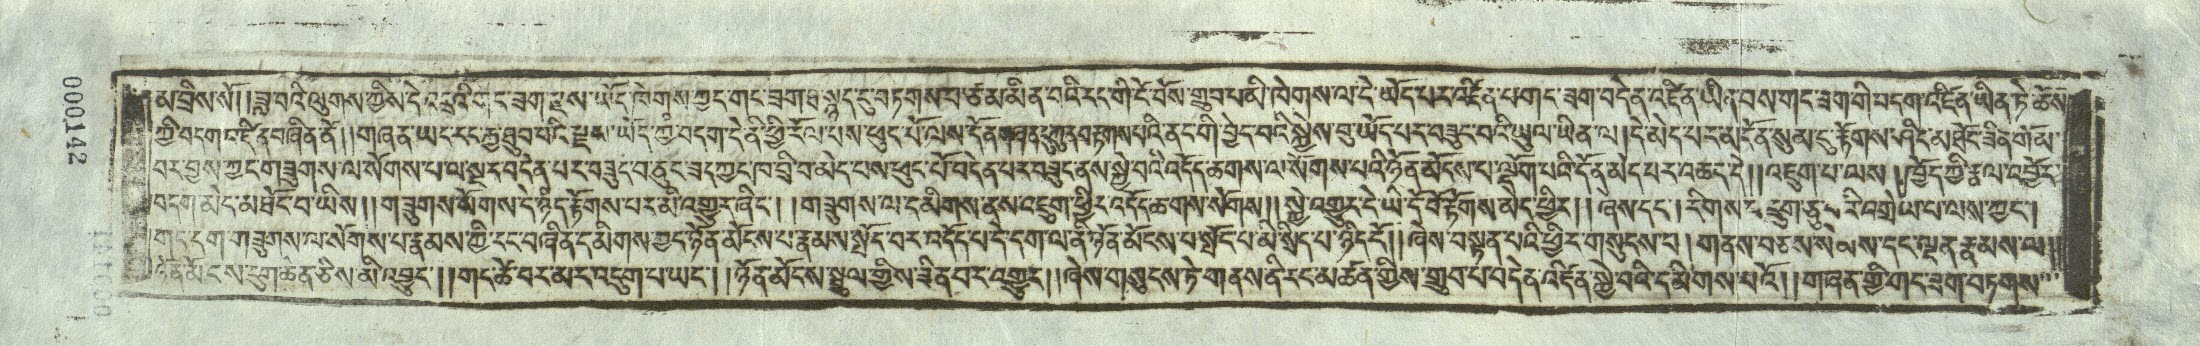མ་བྲིས་སོ། །ཟླ་བའི་ལུགས་ཀྱིས་དེ་འདྲའི་གང་ཟག་རྫས་ཡོད་ཁེགས་ཀྱང་གང་ཟག་ཐ་སྙད་དུ་བཏགས་པ་ཙམ་མིན་པའི་རང་གི་ངོ་བོས་གྲུབ་པ་མི་ཁེགས་ལ་དེ་ཡོད་པར་འཛིན་པ་གང་ཟག་བདེན་འཛིན་ཡིན་པས་གང་ཟག་གི་བདག་འཛིན་ཡིན་ཏེ་ཆོས་
ཀྱི་བདག་འཛིན་བཞིན་ནོ། །གཞན་ཡང་རང་རྐྱ་ཐུབ་པའི་རྫས་ཡོད་ཀྱི་བདག་དེ་ནི་ཕྱི་རོལ་པས་ཕུང་པོ་ལས་དོན་གཞན་དུ་ཀུན་བརྟགས་པའི་ནང་གི་བྱེད་པའི་སྐྱེས་བུ་ཡོད་པར་བཟུང་བའི་ཡུལ་ཡིན་ལ། དེ་མེད་པར་མངོན་སུམ་དུ་རྟོགས་ཤིང་མཐོང་ཟིན་གོམས་
པར་བྱས་ཀྱང་གཟུགས་ལ་སོགས་པ་ལ་སྔར་བདེན་པར་བཟུང་བ་ཅུང་ཟད་ཀྱང་ཁ་བྲི་བ་མེད་པས་ཕུང་པོ་བདེན་པར་བཟུང་ནས་སྐྱེ་བའི་འདོད་ཆགས་ལ་སོགས་པའི་ཉོན་མོངས་པ་ལྡོག་པའི་དོན་མེད་པར་འཆད་དེ། །འཇུག་པ་ལས། ཁྱོད་ཀྱི་རྣལ་འབྱོར་
བདག་མེད་མཐོང་བ་ཡིས། །གཟུགས་སོགས་དེ་ཉིད་རྟོགས་པར་མི་འགྱུར་ཞིང་། །གཟུགས་ལ་དམིགས་ནས་འཇུག་ཕྱིར་འདོད་ཆགས་སོགས། །སྐྱེ་འགྱུར་དེ་ཡི་ངོ་བོ་རྟོགས་མེད་ཕྱིར། །ཞེས་དང་། རིགས་པ་དྲུག་ཅུ་པའི་འགྲེལ་པ་ལས་ཀྱང་།
གང་དག་གཟུགས་ལ་སོགས་པ་རྣམས་ཀྱི་རང་བཞིན་དམིགས་ཀྱང་ཉོན་མོངས་པ་རྣམས་སྤོང་བར་འདོད་པ་དེ་དག་ལ་ནི་ཉོན་མོངས་པ་སྤོང་བ་མི་སྲིད་པ་ཉིད་དོ། །ཞེས་བསྟན་པའི་ཕྱིར་གསུངས་པ། གནས་བཅས་སེམས་དང་ལྡན་རྣམས་ལ། །
ཉོན་མོངས་དུག་ཆེན་ཅེས་མི་འབྱུང་། །གང་ཚེ་བར་མར་འདུག་པ་ཡང་། །ཉོན་མོངས་སྤྲུལ་གྱིས་ཟིན་པར་འགྱུར། །ཞེས་གསུངས་ཏེ་གནས་ནི་རང་མཚན་གྱིས་གྲུབ་པ་བདེན་འཛིན་སྐྱེ་བའི་དམིགས་པའོ། །གཞན་གྱི་གང་ཟག་བཏགས་